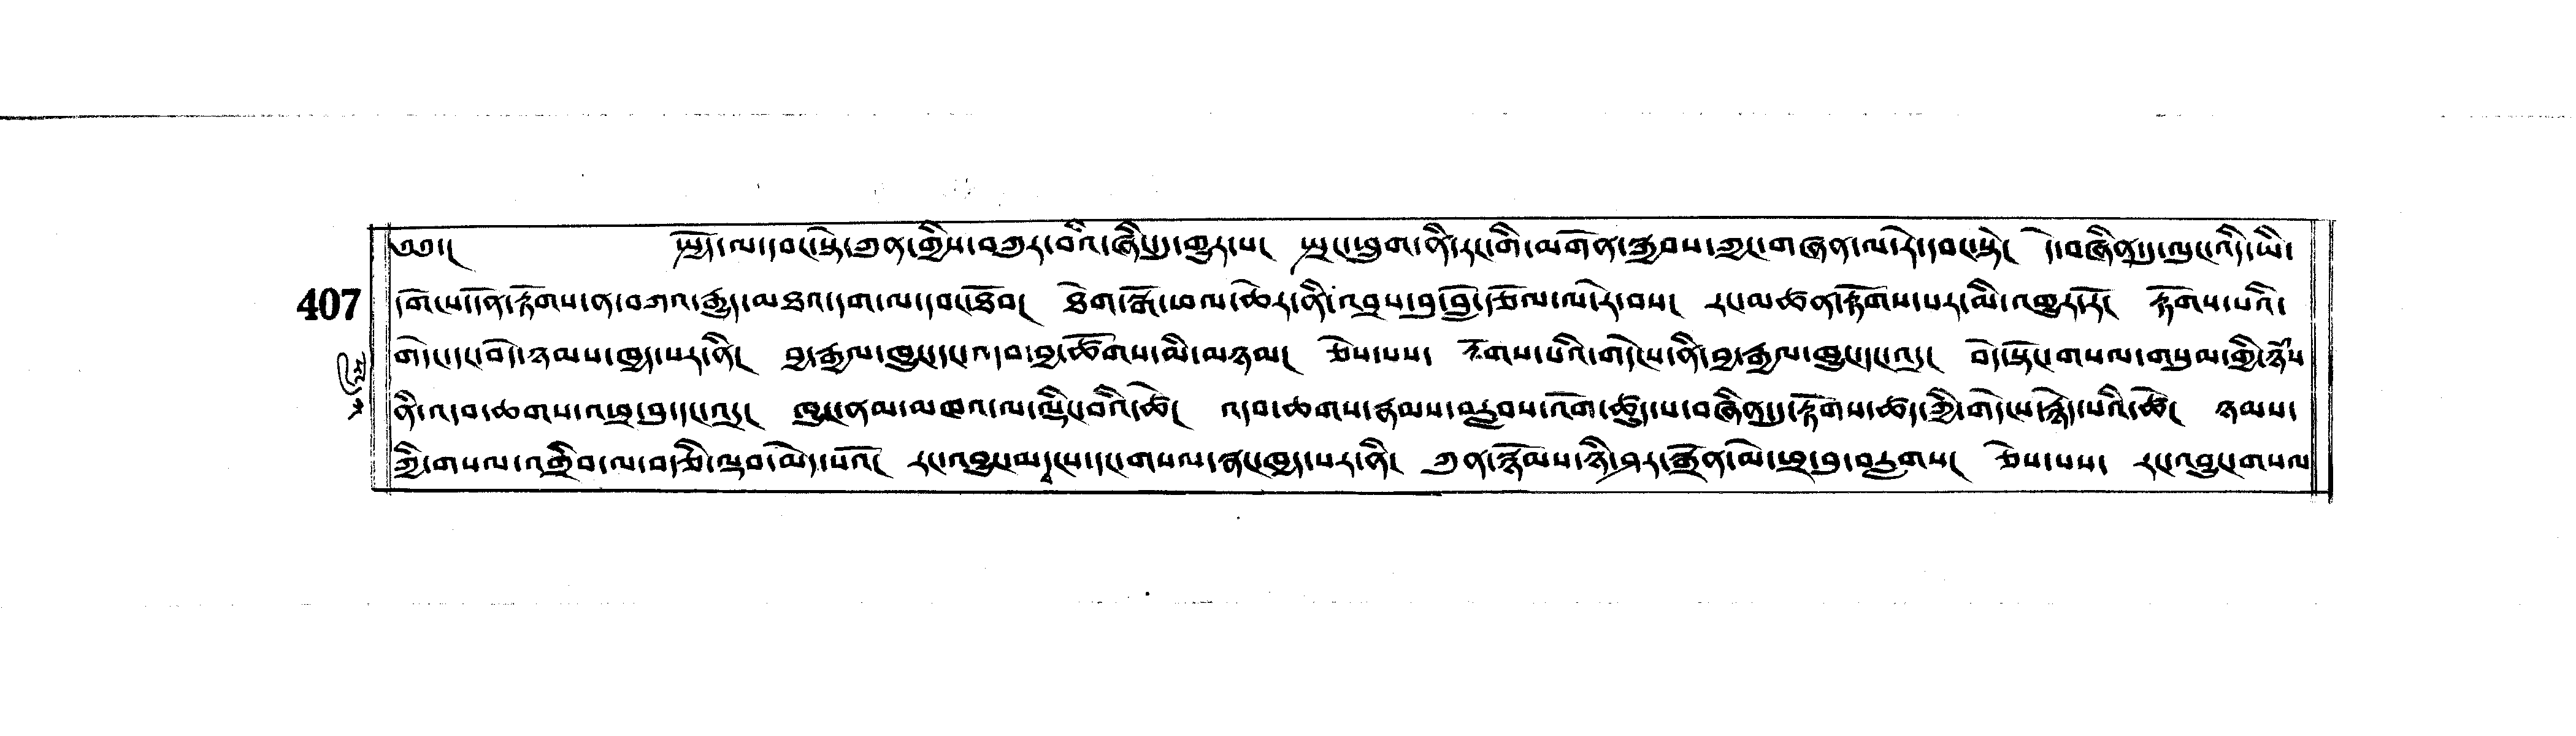སྤྱོད་ལ་དབང་སྟེ་ཀུན་གྱིས་བཀུར་བའི་ཞིང་དུ་གྱུར་པ། སྤྲང་ཕྲུག་ནི་རང་གི་མགོན་སྐྱབས་ཏེ་གཞན་ལ་རེ་དབང་སྟེ། དེ་བཞིན་དུ་ལུང་འདི་ཡི་
དགོངས་དོན་རྟོགས་ན་བཀའ་བརྒྱུད་མཐའ་དག་ལ་དབང་ཐོབ། ཐེག་སྒོ་ཕལ་ཆེར་ནི་འབྲས་བུ་བློ་རྩོལ་ལ་རེ་བས། རང་མཚན་རྟོགས་པར་མི་འགྱུར་རོ། རྟོགས་པའི་
གདེང་དང་བདེ་ཉམས་ཁྱད་པར་ནི། བྱ་རྒྱལ་ཁྱུང་དང་འདབ་བྱ་ཕྱོགས་མི་མཉམ། ཅེས་པས། རྟོགས་པའི་གདེང་ནི་བྱ་རྒྱལ་ཁྱུང་དང་འདྲ། བདེ་སྟོང་གསལ་གསུམ་གྱི་ཉམས་
ནི་འདབ་ཆགས་འཕྲ་བུ་དང་འདྲ། ཁྱུང་ནམ་མཁའ་ལ་ལྡིང་བའི་ཚེ་འདབ་ཆགས་རྣམས་རླབས་འོག་ཚུད་པ་བཞིན་དུ་རྟོགས་ཚད་ཀྱི་གདེང་རྙེད་པའི་ཚེ། ཉམས་
ཀྱི་གསལ་འགྲིབ་ལ་རྩིས་གདབ་མེད་པའོ། རང་འབྱུང་མདང་དང་གསལ་སྣང་ཁྱད་པར་ནི། ཀུན་སྙོམས་ཉི་ཤར་སྒྲོན་མེ་ཕྲ་བུ་བརླགས། ཅེས་པས། རང་འབྱུང་གསལ་